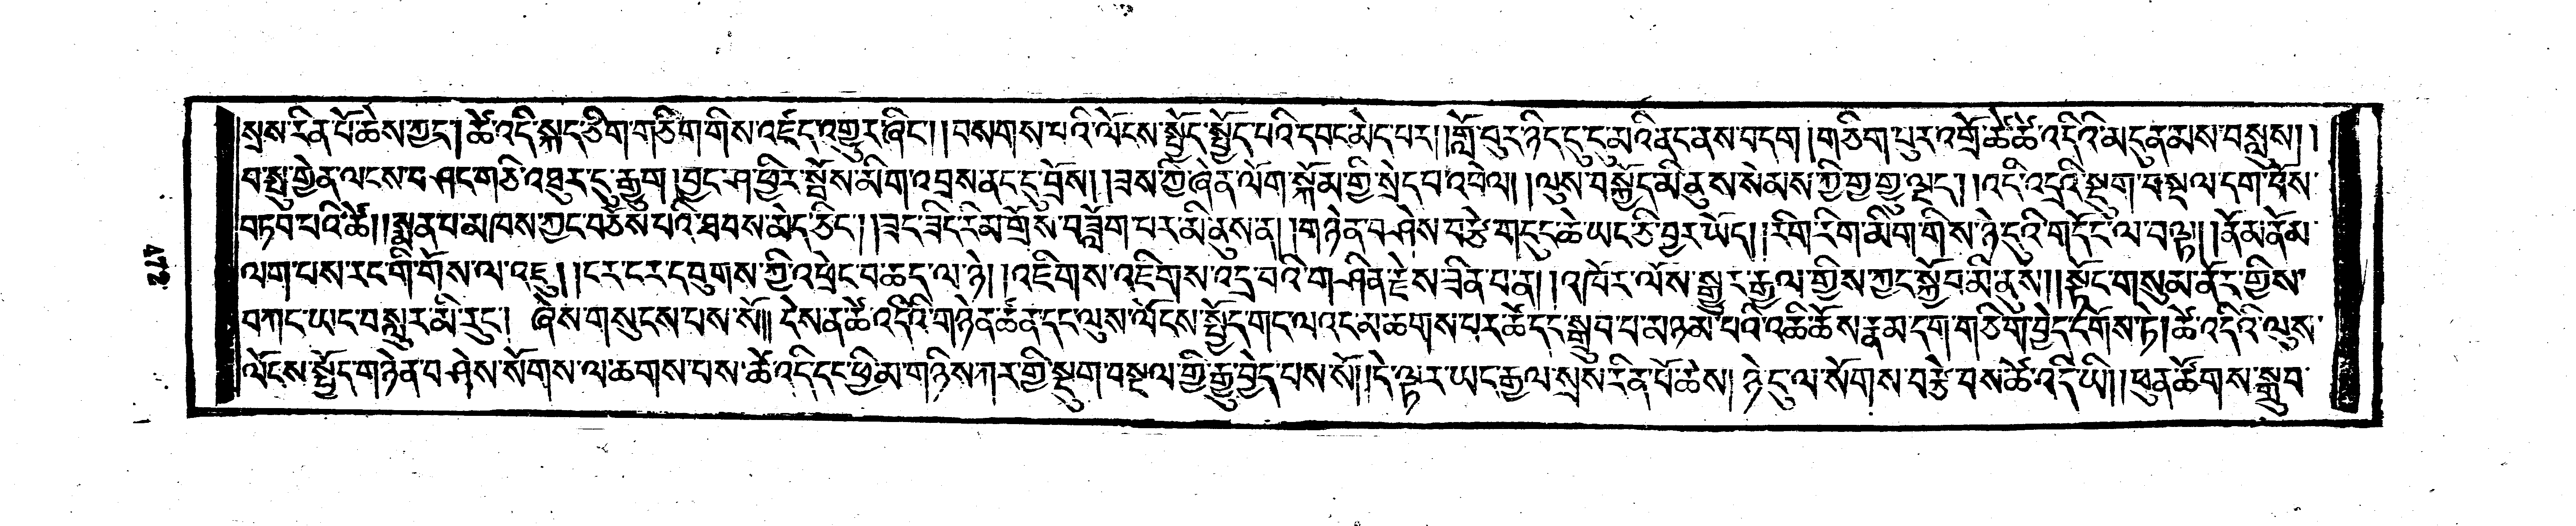སྲས་རིན་པོ་ཆེས་ཀྱང་། ཚེ་འདི་སྐད་ཅིག་གཅིག་གིས་འཛད་འགྱུར་ཞིང་། །བསགས་པའི་ལོངས་སྤྱོད་སྤྱོད་པའི་དབང་མེད་པར། །གློ་བུར་ཉིད་དུ་དུ་མའི་ནང་ནས་བདག །གཅིག་པུར་འགྲོ་ཚེ་ཚེ་འདིའི་མདུན་མས་བསླུས། །
བ་སྤུ་གྱེན་ལངས་བཤང་གཅི་འཐུར་དུ་རྒྱུག །བྱང་ཤ་ཕྱིར་སྤོས་མིག་འབྲས་ནང་དུ་བྲོས། །ཟས་ཀྱི་ཞེན་ལོག་སྐོམ་གྱི་སྲེད་པ་འཕེལ། །ལུས་བསྐྱོད་མི་ནུས་སེམས་ཀྱི་གྱ་གྱུ་ལྡང་། །འདི་འདྲའི་སྡུག་བསྔལ་དྲག་པོས་
བཏབ་པའི་ཚེ། །སྨན་པ་མཁས་ཀྱང་བཅོས་པའི་ཐབས་མེད་ཅིང་། །ཟང་ཟིང་རིམ་གྲོས་བཟློག་པར་མི་ནུས་ན། །གཉེན་བཤེས་བརྩེ་གདུང་ཆེ་ཡང་ཅི་བྱར་ཡོད། །རིག་རིག་མིག་གིས་ཉེ་དུའི་གདོང་ལ་བལྟ། །ནོམ་ནོམ་
ལག་པས་རང་གི་གོས་ལ་འཇུ། །ངར་ངར་དབུགས་ཀྱི་འཕྲེང་བ་ཆད་ལ་ཉེ། །འཇིགས་འཇིགས་འདྲ་བའི་གཤིན་རྗེས་ཟིན་པ་ན། །འཁོར་ལོས་སྒྱུར་རྒྱལ་གྱིས་ཀྱང་སྐྱོབ་མི་ནུས། །སྟོང་གསུམ་ནོར་གྱིས་
བཀང་ཡང་བསླུར་མི་རུང་། །ཞེས་གསུངས་པས་སོ། །དེས་ན་ཚེ་འདིའི་གཉེན་ཚན་དང་ལུས་ལོངས་སྤྱོད་གང་ལའང་མ་ཆགས་པར་ཚེ་དང་སྒྲུབ་པ་མཉམ་པའི་འཆི་ཆོས་རྣམ་དག་གཅིག་བྱེད་དགོས་ཏེ། ཚེ་འདིར་ལུས་
ལོངས་སྤྱོད་གཉེན་བཤེས་སོགས་ལ་ཆགས་པས། ཚེ་འདི་དང་ཕྱི་མ་གཉིས་ཀར་གྱི་སྡུག་བསྔལ་གྱི་རྒྱུ་བྱེད་པས་སོ། །དེ་ལྟར་ཡང་རྒྱལ་སྲས་རིན་པོ་ཆེས། ཉེ་དུ་ལ་སོགས་པ་རྩེ་བས་ཚེ་འདི་ཡི། །ཕུན་ཚོགས་སྒྲུབ་